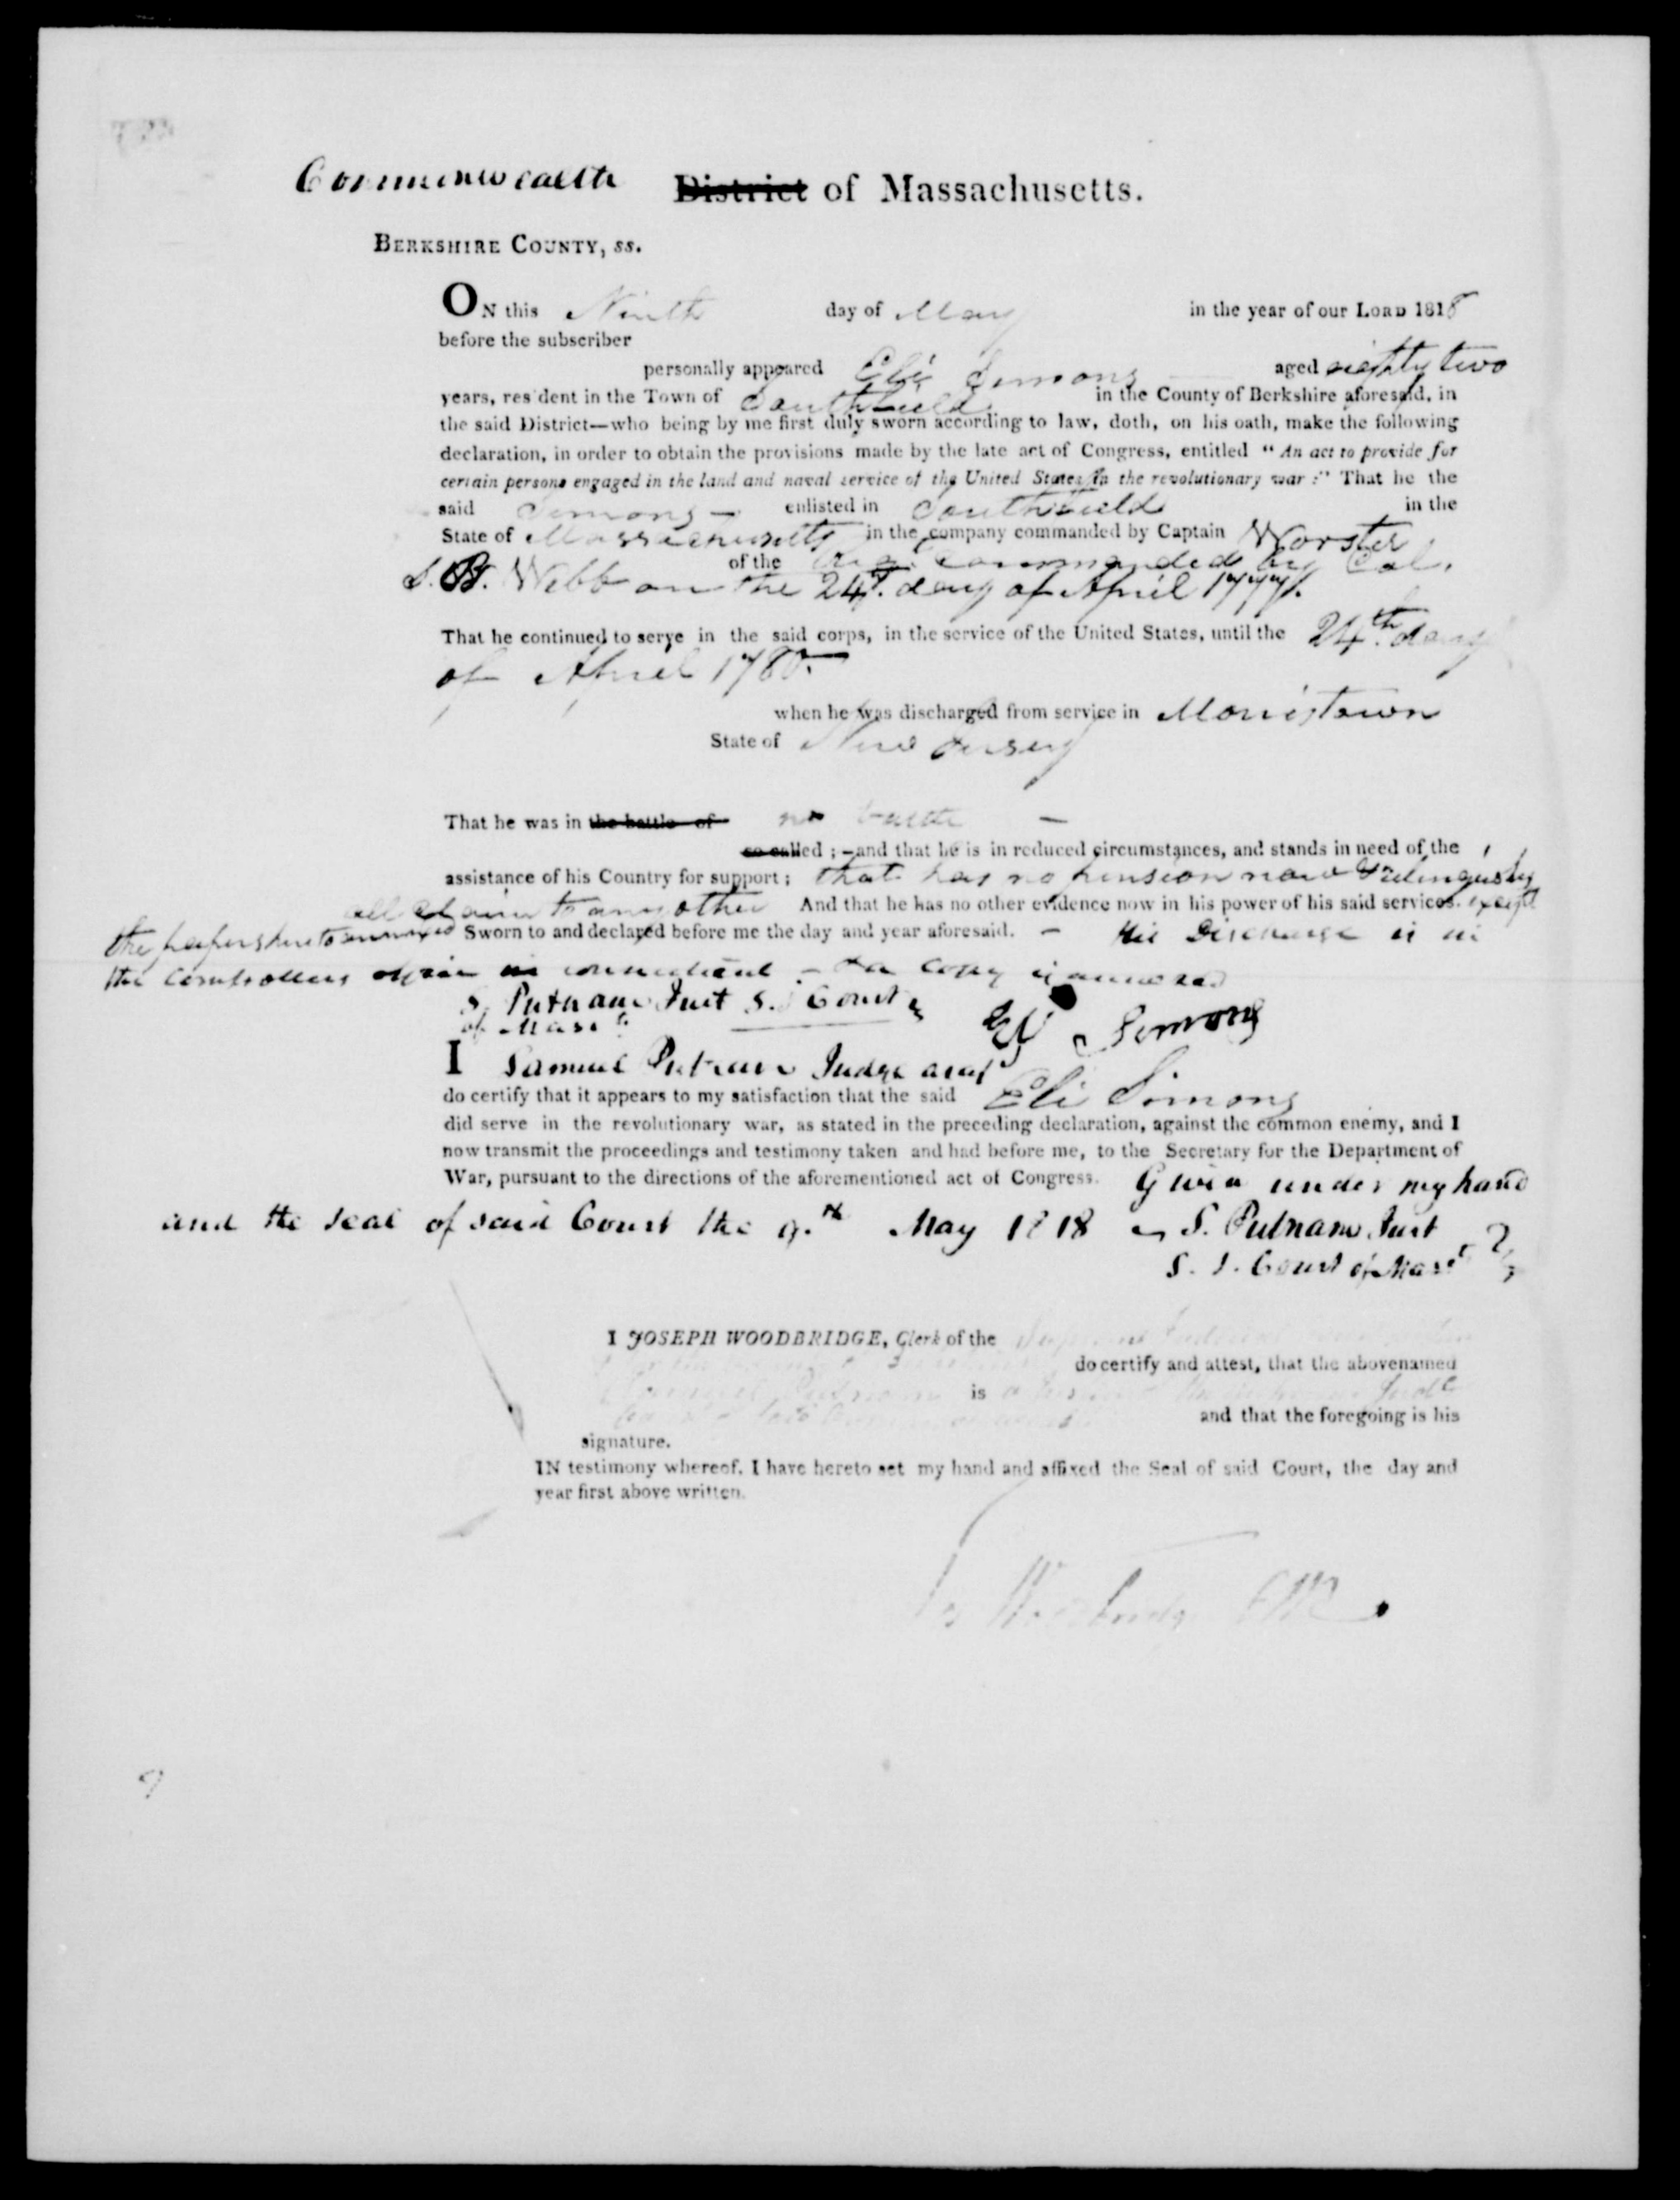Commonwealth of Massachusetts.
Berkshire County, ss.
On this Ninth day of May in the year of our Lord 1818 before the subscriber personally appeared Eli Simons aged eighty two years, resident in the Town of Southfield in the County of Berkshire aforesaid, in the said District - who being by me first duly sworn according to law, doth, on his oath, make the following declaration, in order to obtain the provisions made by the late act of Congress, entitled "An act to provide for certain persons engaged in the land and naval service of the United States in the revolutionary war;" That he the said Simons enlisted in Southfield in the State of Massachusetts in the company commanded by Captain Worster of the Regt commanded by Col S. B. Webb on the 24th day of April 1777.
That he continued to serve in the said corps, in the service of the United States, until the 24th day of April 1780. when he was discharged from service in Morristown State of New Jersey
That he was in no battle and that he is in reduced circumstances, and stands in need of the assistance of his Country for support; that has no pension now & relinquished all claim to any other And that he has no other evidence now in his power of his said services except the papers hereto annexed. Sworn to and declared before me the day and year aforesaid. His discharge is in the comptrollers office in Connecticut & a copy is annexed.
Eli Simons
S Putnam Just. S. S Court of Mass.}

I Samuel Putnam Judge as af do certify that it appears to my satisfaction that the said Eli Simons did serve in the revolutionary war, as stated in the preceding declaration, against the common enemy, and I now transmit the proceedings and testimony taken and had before me, to the Secretary for the Department of War, pursuant to the directions of the aforementioned act of Congress. Given under my hand and the seal of said Court the 9th May 1818 - S. Putnam, Just S. S. Court of Mass }

I Joseph Woodbridge, Clerk of the Supreme Judicial [illegible] for the County of Berkshire do certify and attest, that the abovenamed Samuel Putnam is a Justice [illegible] and that the foregoing is his signature.
In testimony whereof, I have hereto set my hand and affixed the Seal of said Court, the day and year first above written.
J Woodbridge Clk

[seal affixed at left]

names: [BLANK] Simons; Eli Simons; Eli Simons; S Putnam; Eli Simons; S Putnam; S B Webb; Samuel Putnam; Joseph Woodbridge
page: 4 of 20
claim: survivor's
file: S 33668, for Eli Simons, Connecticut